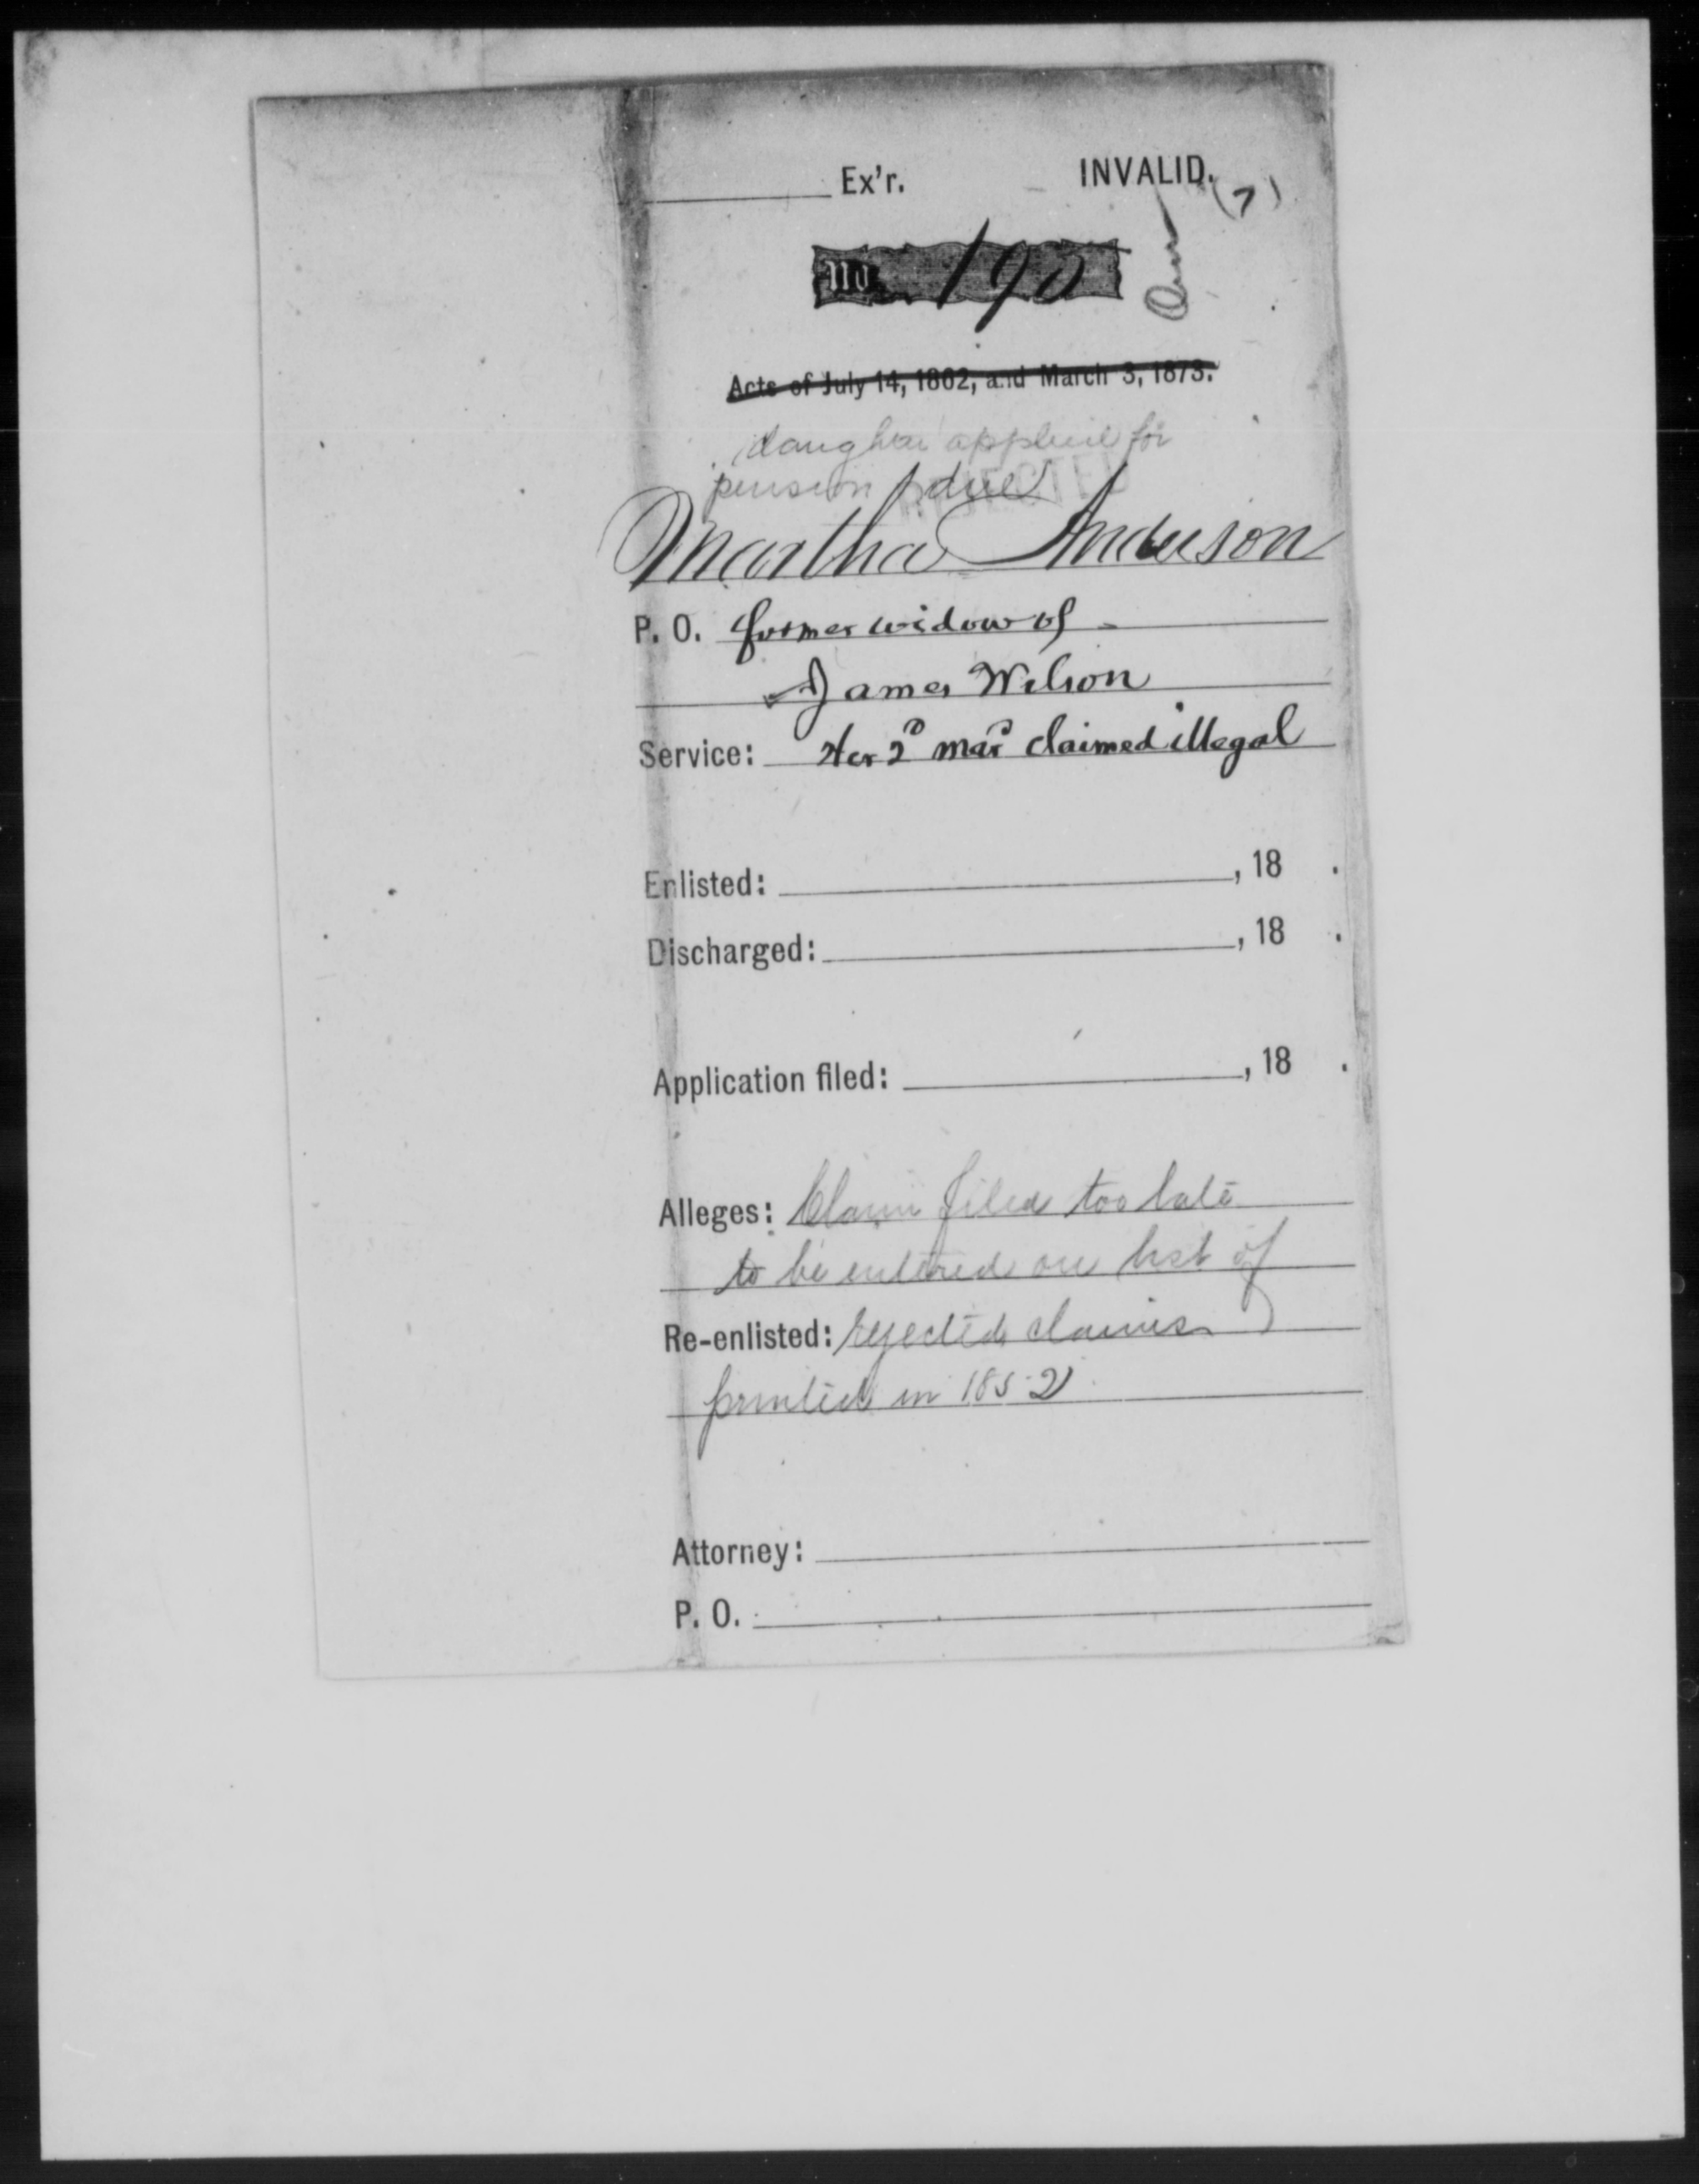[blank]  Ex'r.         INVALID.
(7)
No. 195
Acts of July 14, 1862, and March 3, 1873.
daughter applied for 
pension due 
Martha Anderson
P.O.  former widow of 
James Wilson
Service:  Her 2d mard claimed illegal
Enlisted:  [blank date]
Discharged:  [blank date]
Application filed:  [blank date]
Alleges:  Claim filed too late
to be entered on list of 
rejected claims
printed in 1852
Re-enlisted:  [blank]
Attorney:  [blank]
P.O.  [blank]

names: James Wilson, Martha Anderson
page: 11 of 18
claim: rejected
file: R. 195, James Wilson, S. C.